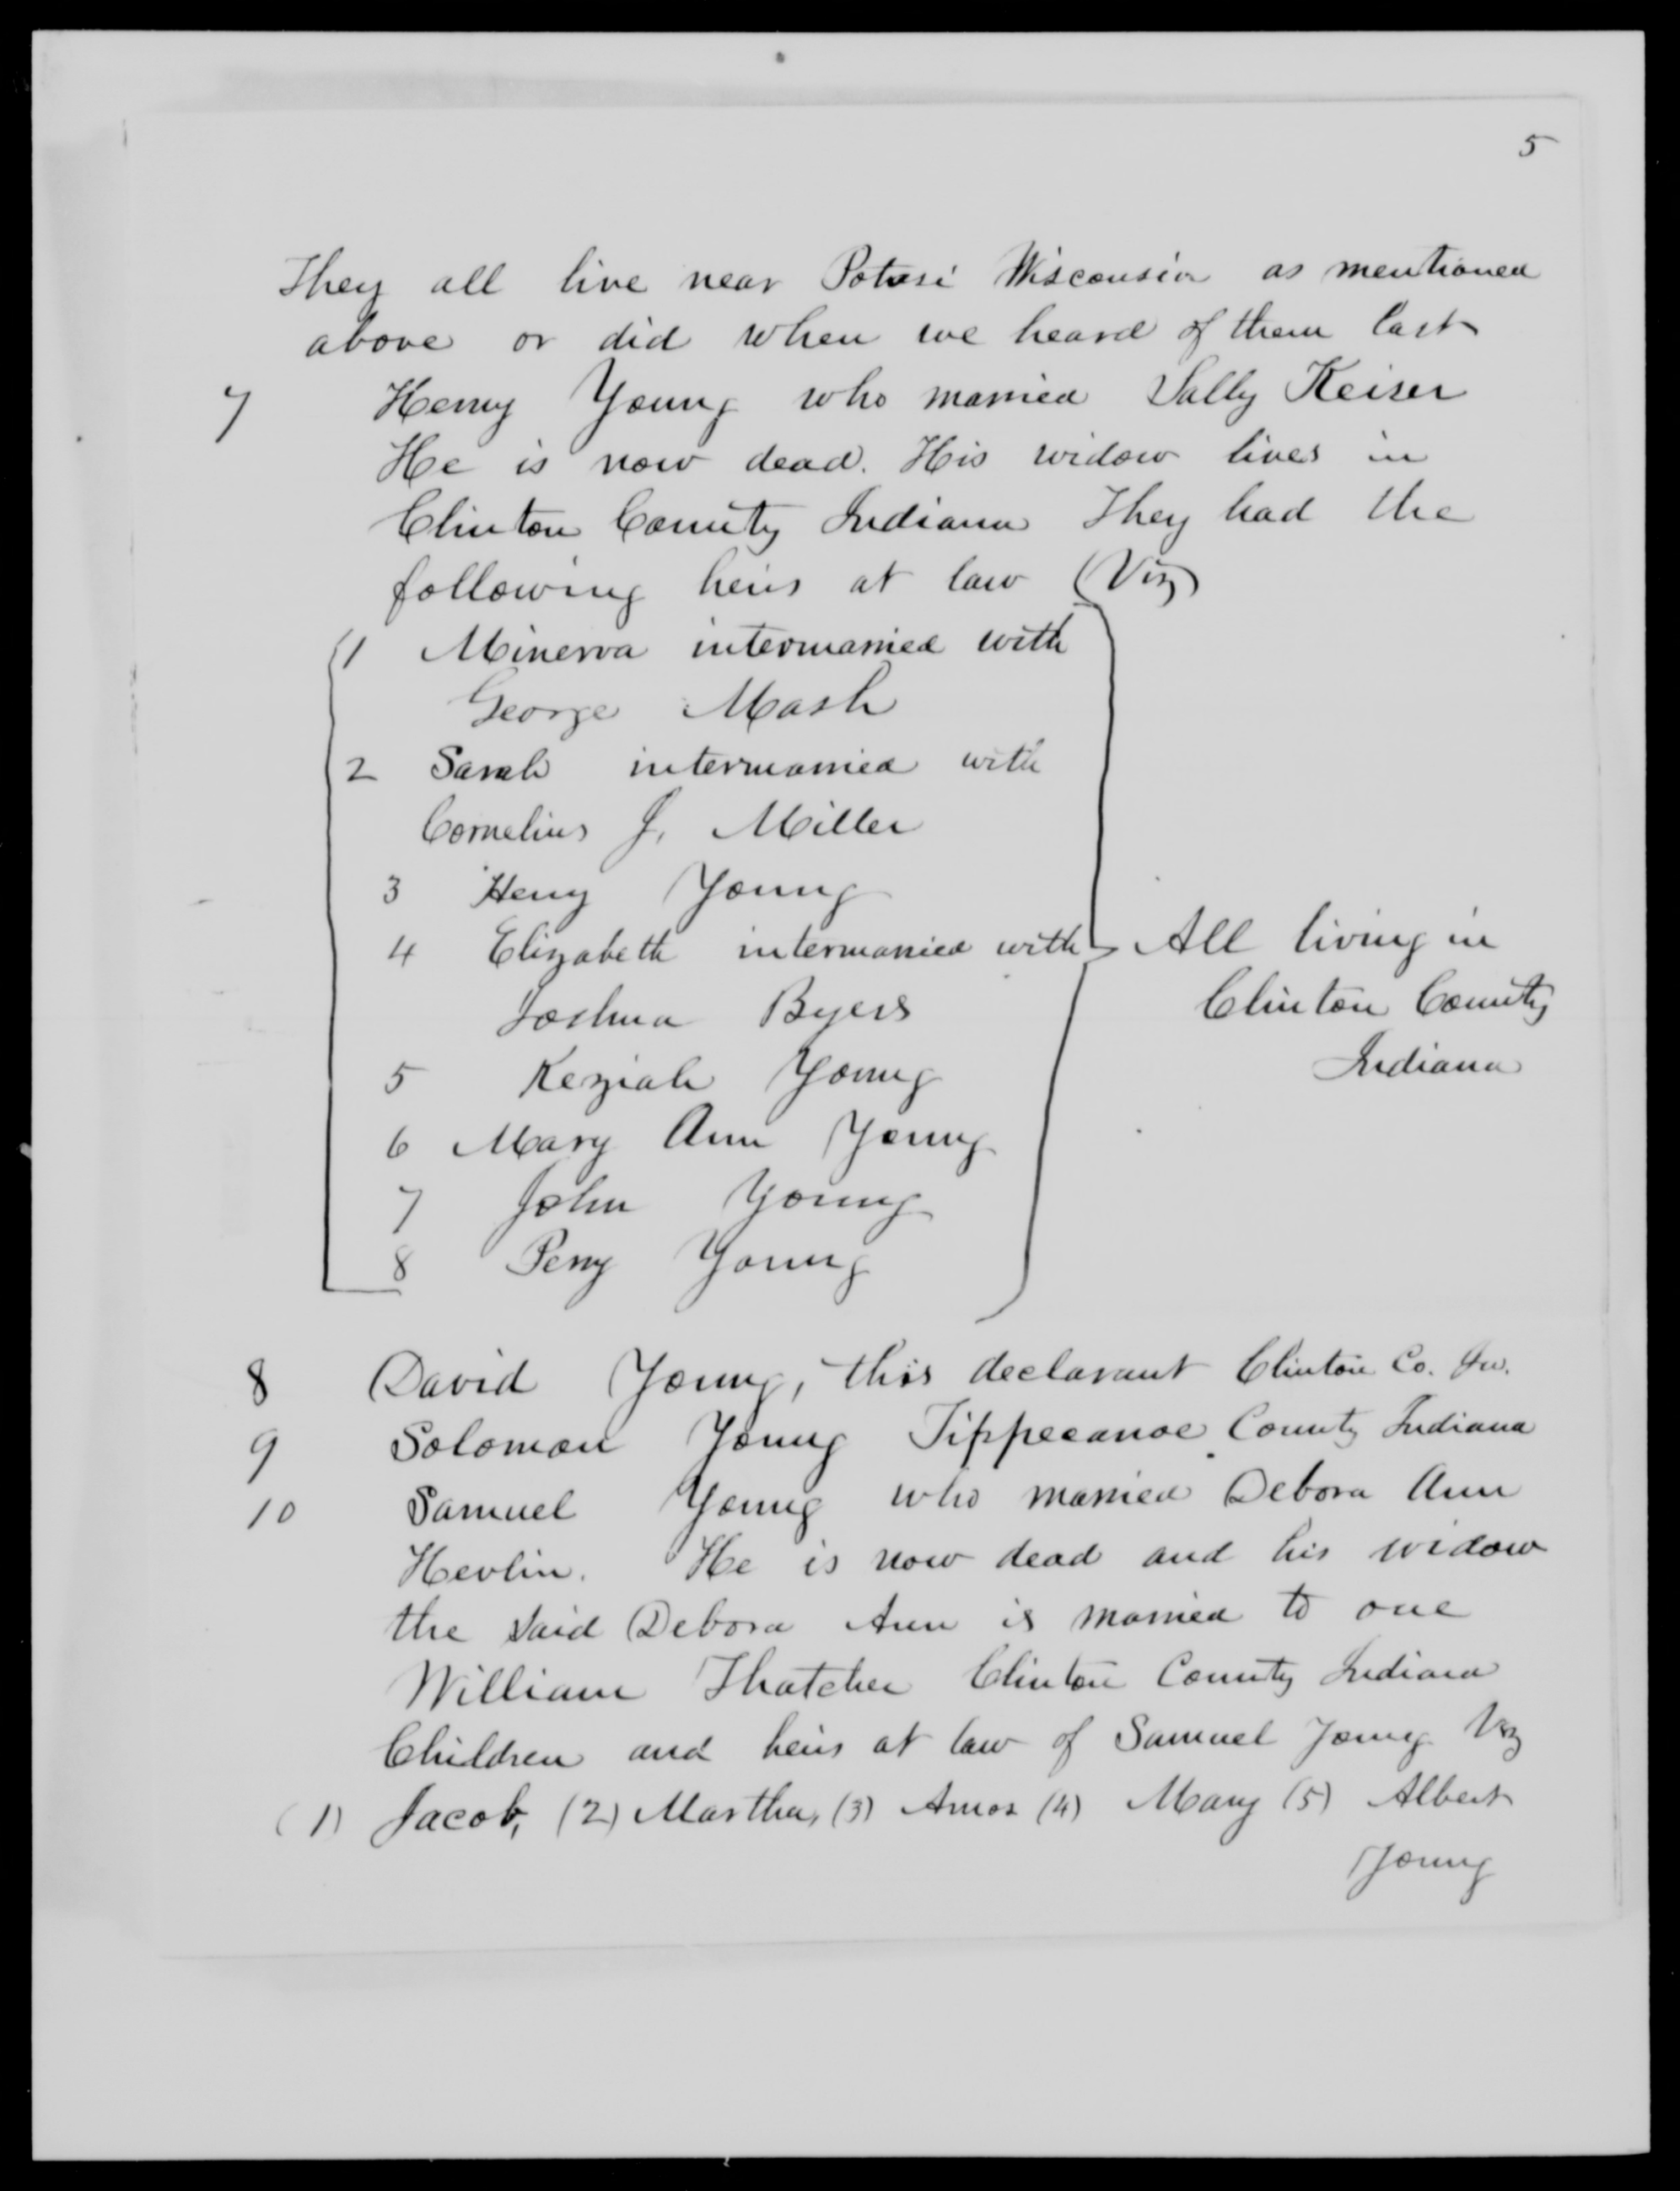They all live near Potosi Wisconsin as mentioned
above or did when we heard of them last.
7 Henry Young who married Sally Keiser
He is now dead. His widow lives in
Clinton County Indiana They had the
following heirs at law (Viz)

All living in Clinton County Indiana


1 Minerva intermarried with George Mash
2 Sarah intermarried with Cornelius J. Miller
3 Henry Young 
4 Elizabeth intermarried with Joshua Byers
5 Keziah Young
6 Mary Ann Young
7 John Young
8 Perry Young

8 David Young, this declarant Clinton Co. Ind.
9 Solomon Young Tippecanoe County Indiana
10 Samuel Young who married Debora Ann Hevlin.
He is now dead and his widow the said Debora Ann is married to one William Thatcher Clinton County Indiana. 
Children and heirs at law of Samuel Young Viz
(1) Jacob (2) Martha, (3) Amos (4 ) Mary (5 ) Albert
Young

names: Sarah, John Young, Samuel Young, Solomon Young, Keziah Young, William Thatcher, Henry Young, Martha, Mary Ann Young, Heny Young, J Miller, Sally Keiser, Jacob, Elizabeth, David Young, Joshua Byers, Mary, Albert Young, Minerva, Amos, Debora Ann Hevlin, George Mash, Perry Young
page: 24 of 123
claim: rejected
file: R. 11,949, Matthias Young, Md.